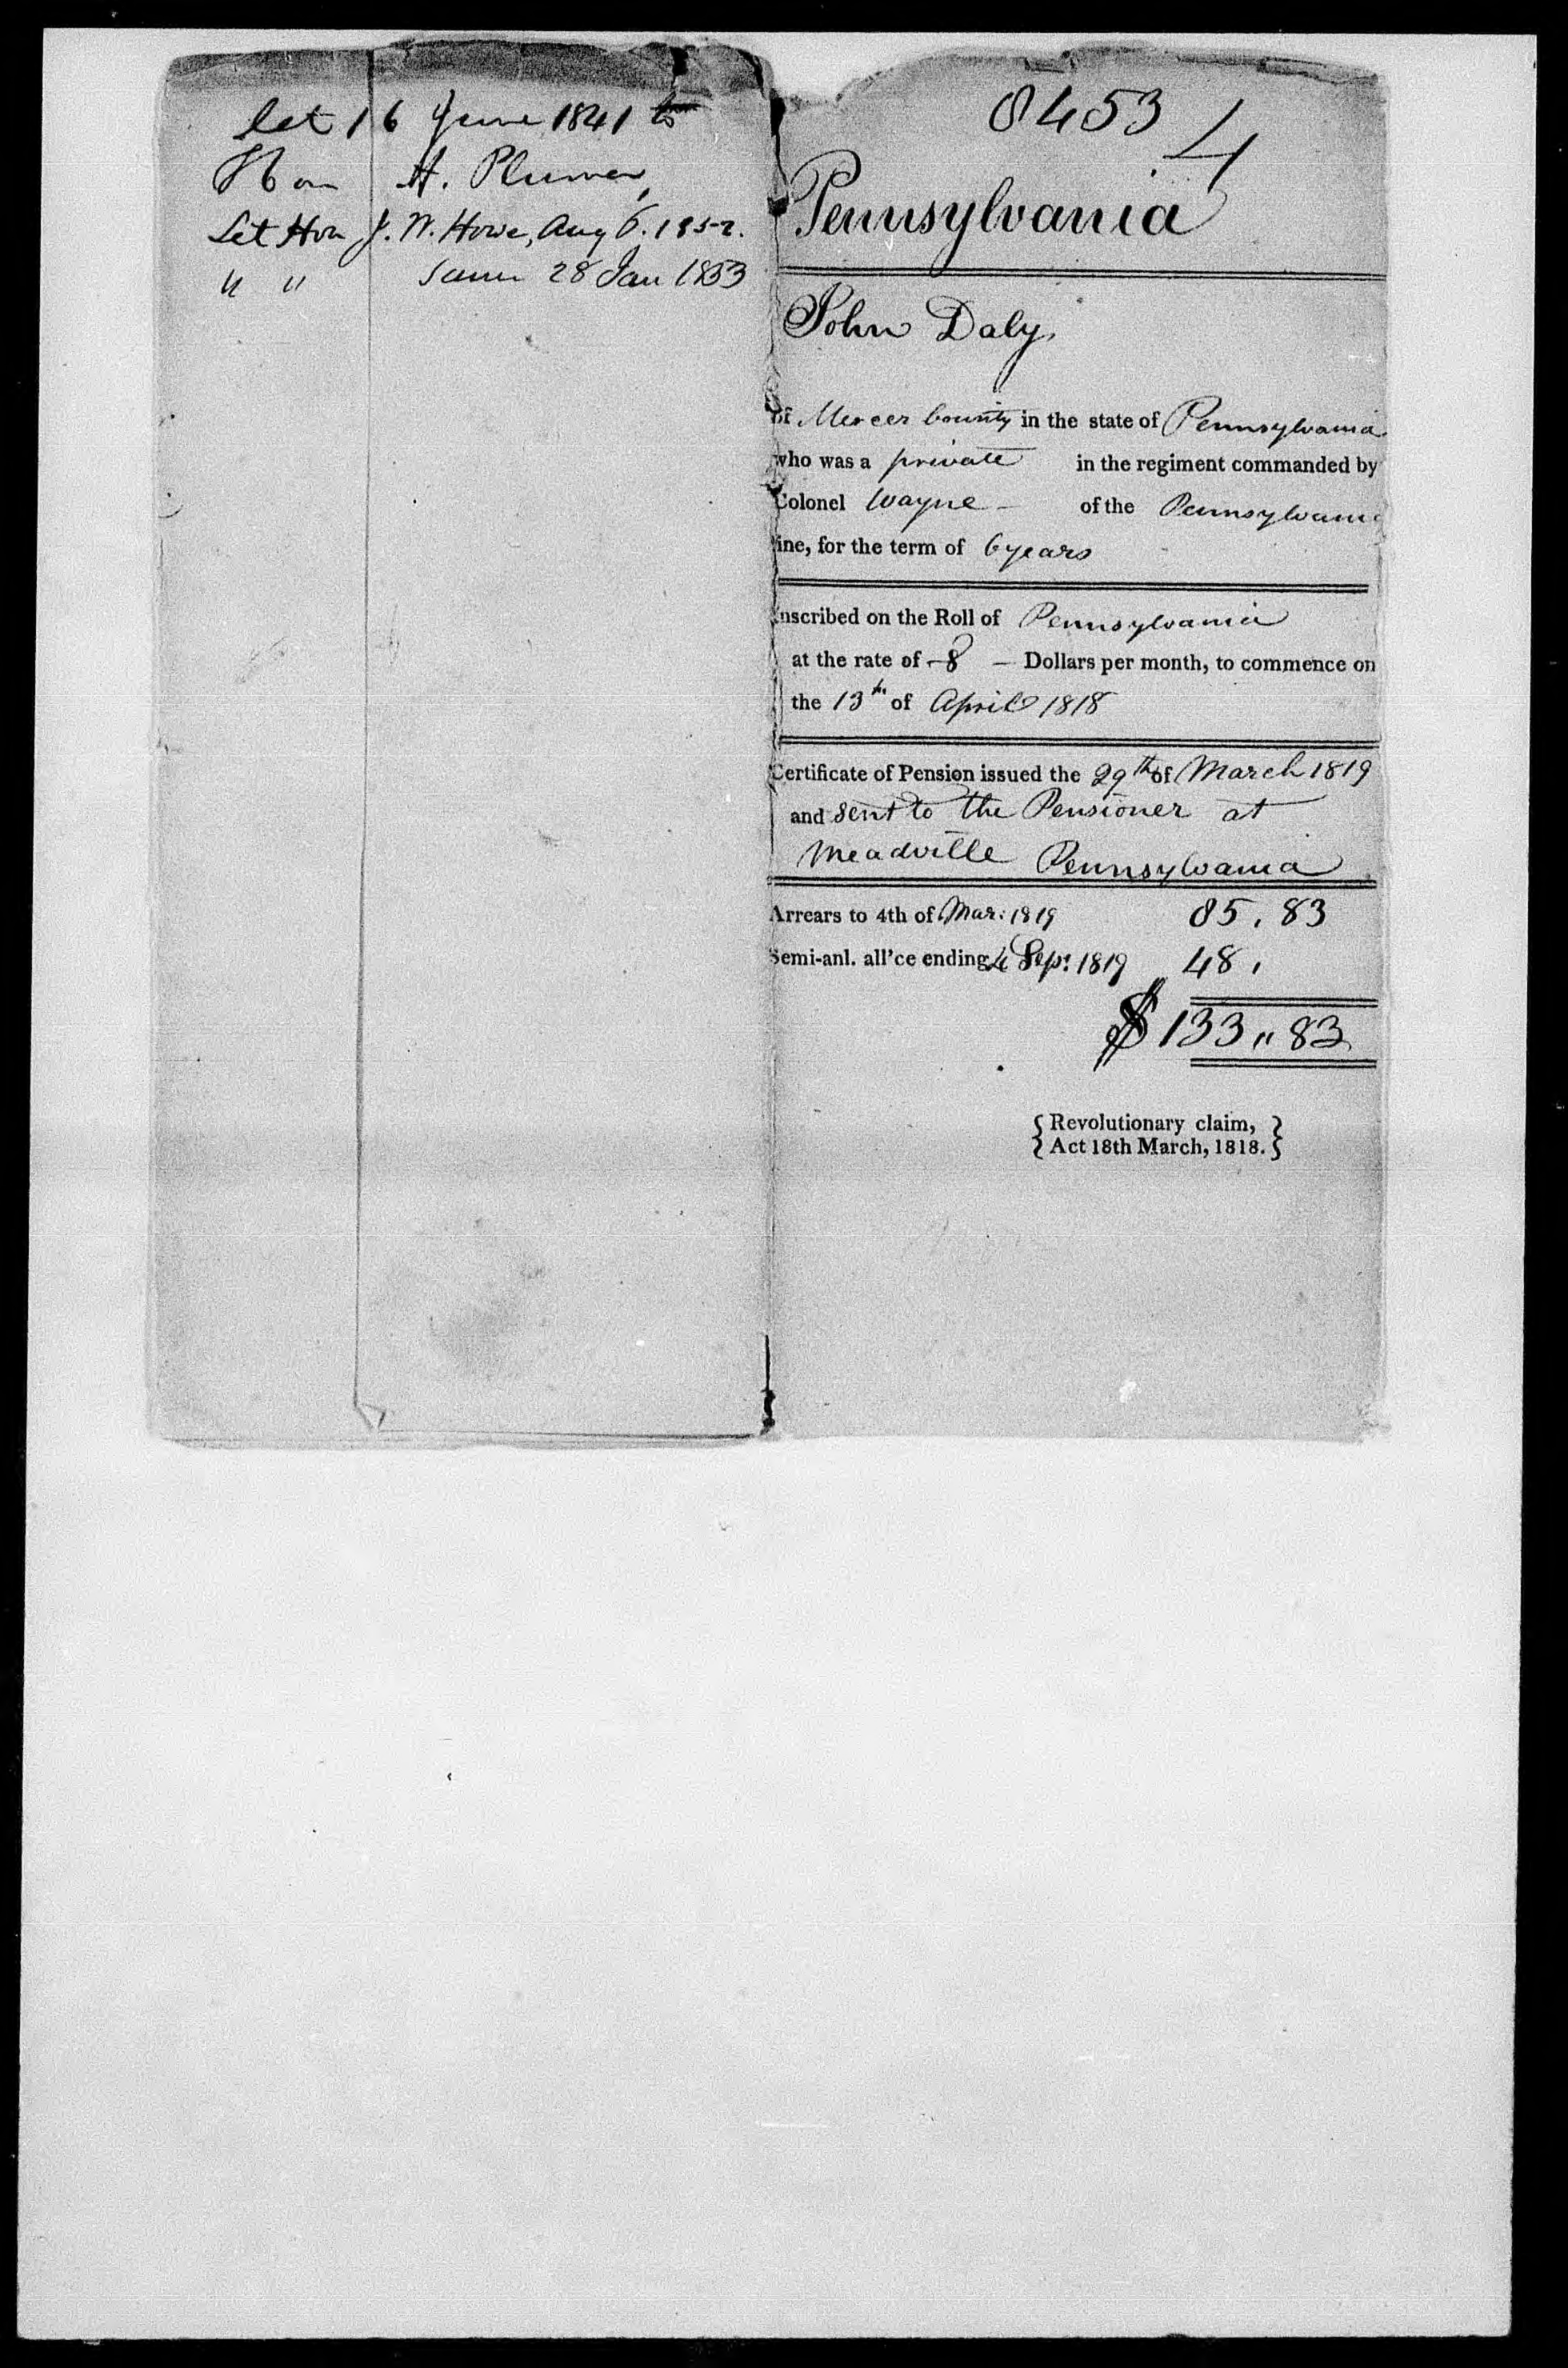let 16 June 1841 
86 on H. Plumer
Let J.M. Howe, Aug 5 1832
28 Jan 1833

0453
Pennsylvania
John Daly
0f Mercer County in the state of Pennsylvania
who was a private in the regiment commanded by colonel Wayne of the Pennsylvania 
for the term of 6 years
inscribed on the Roll of Pennsylvania at the rate of 8 Dollars per month, to commence on the 13th of April 1818
Certificate of Pension issued 29th of March 1819 and Sent to the Pensioner at Meadville Pennsylvania
Arrears to 4th of March 1819     5.83
Semi-anl. all'ce ending Sept:1819     48.
$13.83
{Revolutionary claim, Act 18th March,1818.}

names: H Plumer, Wayne, John Daly, J W Howe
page: 2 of 63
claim: widow's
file: W. 3228, John Daly, Penn.